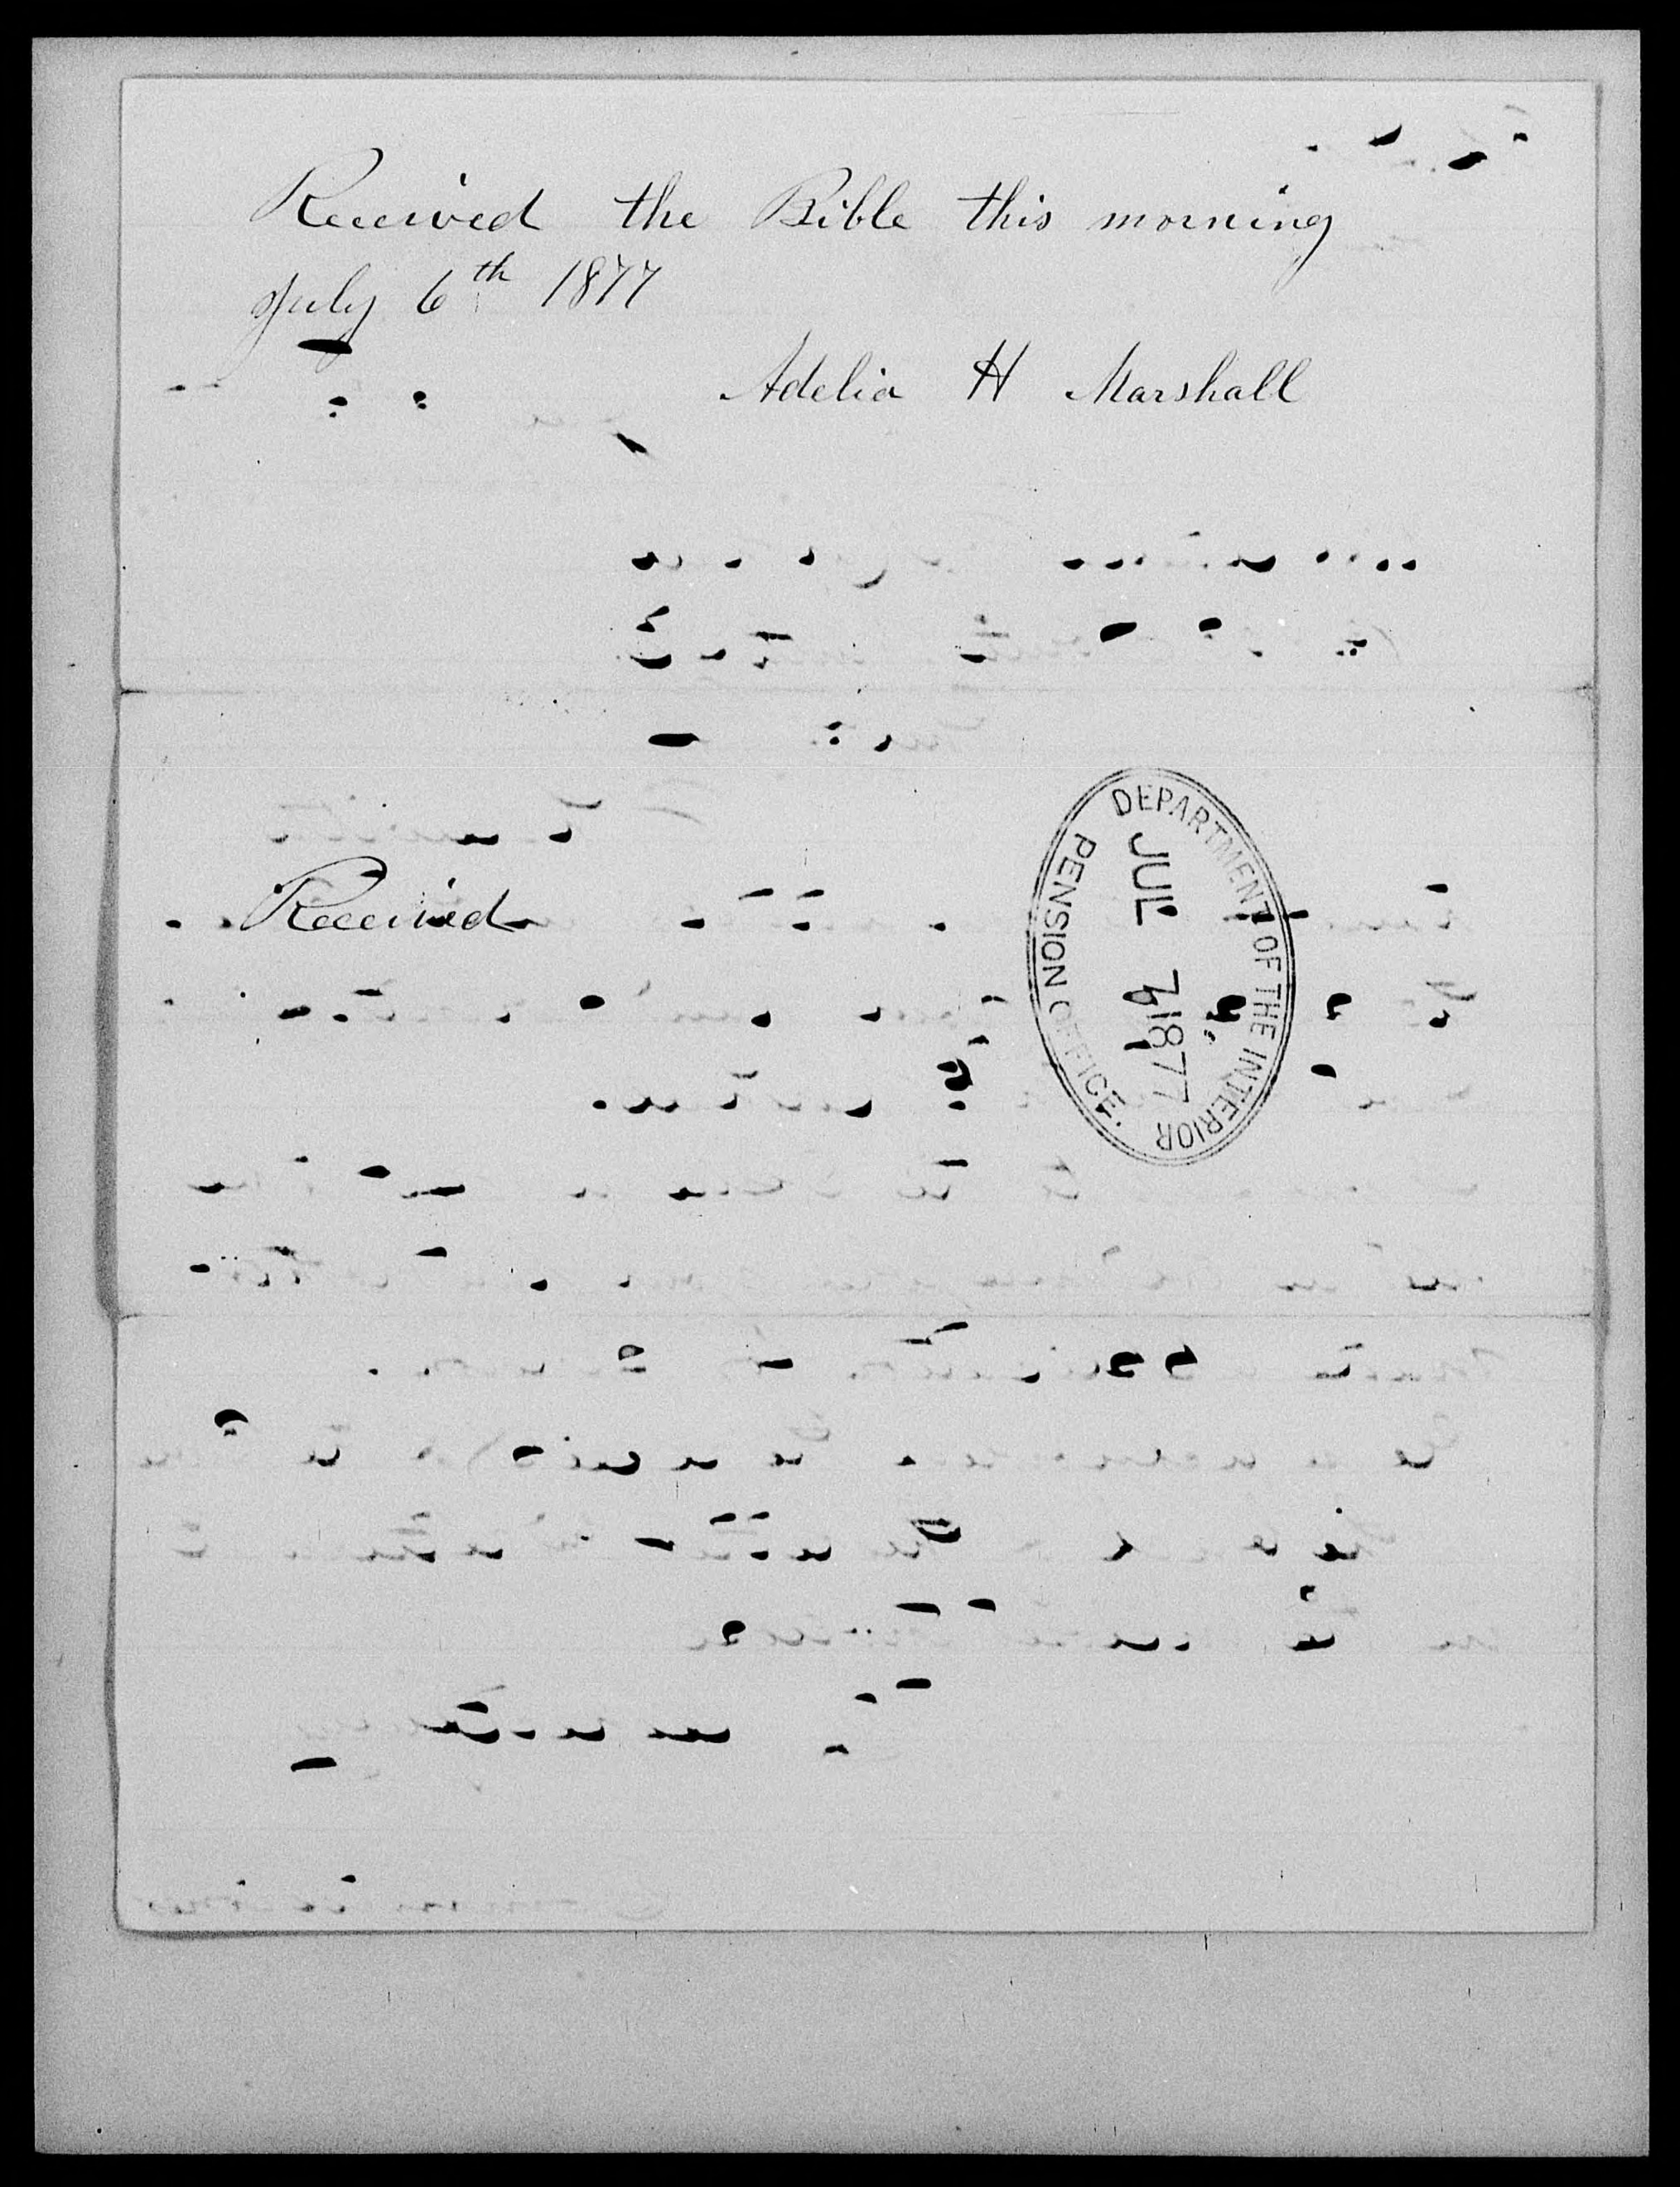Received the Bible this morning July 6th 1877

Adelia H. Marshall

Received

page: 34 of 86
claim: widow's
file: W. 3571, for David Marshall, Pennsylvania